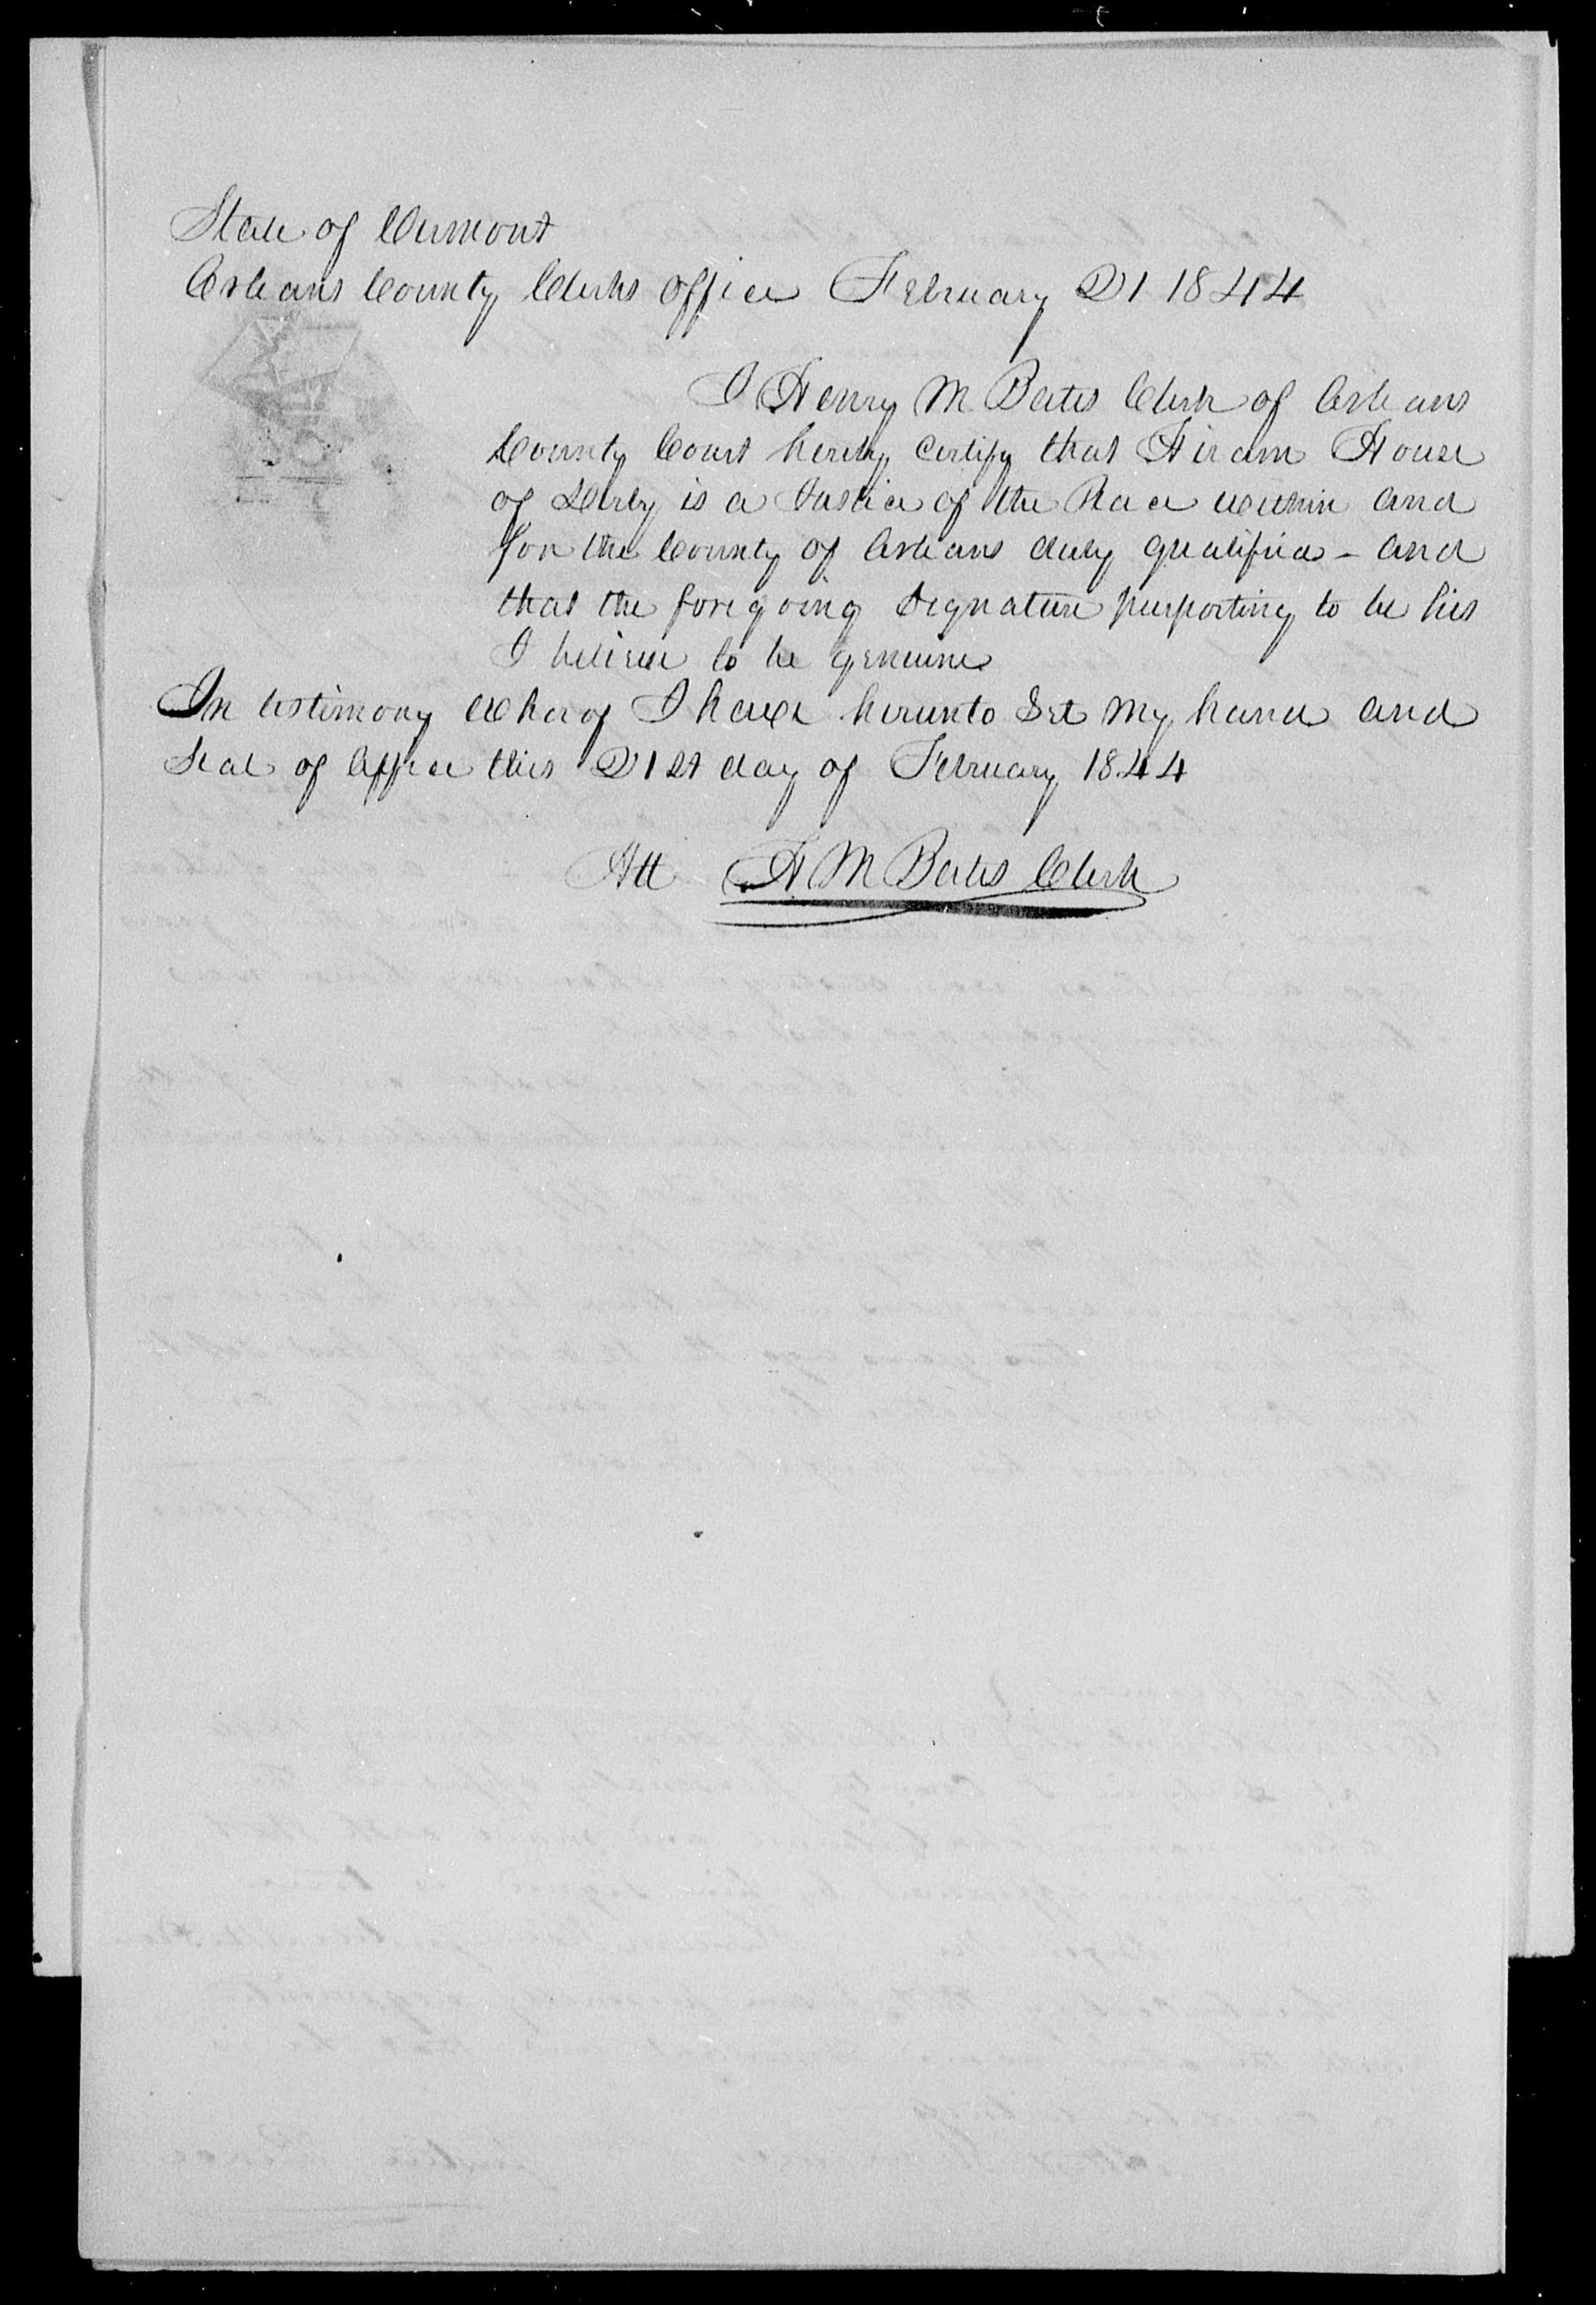State of Vermont
Orleans County Clerks Office
February 21 1844
I Henry M Bates Clerk of Orleans County Court hereby certify that Hiram House of Derby is a Justice of the Peace within and for the County of Orleans duly qualified - that the foregoing signature purporting to be his I believe to be genuine.
In testimony whereof I have hereunto set my hand and Seal of Office this 21st day of February 1844.
Att H M Bates Clerk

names: Henry M Bates, Hiram House, H M Bates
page: 8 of 61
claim: widow's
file: W. 19500, Samuel Thing Gilman, Continental N.H.